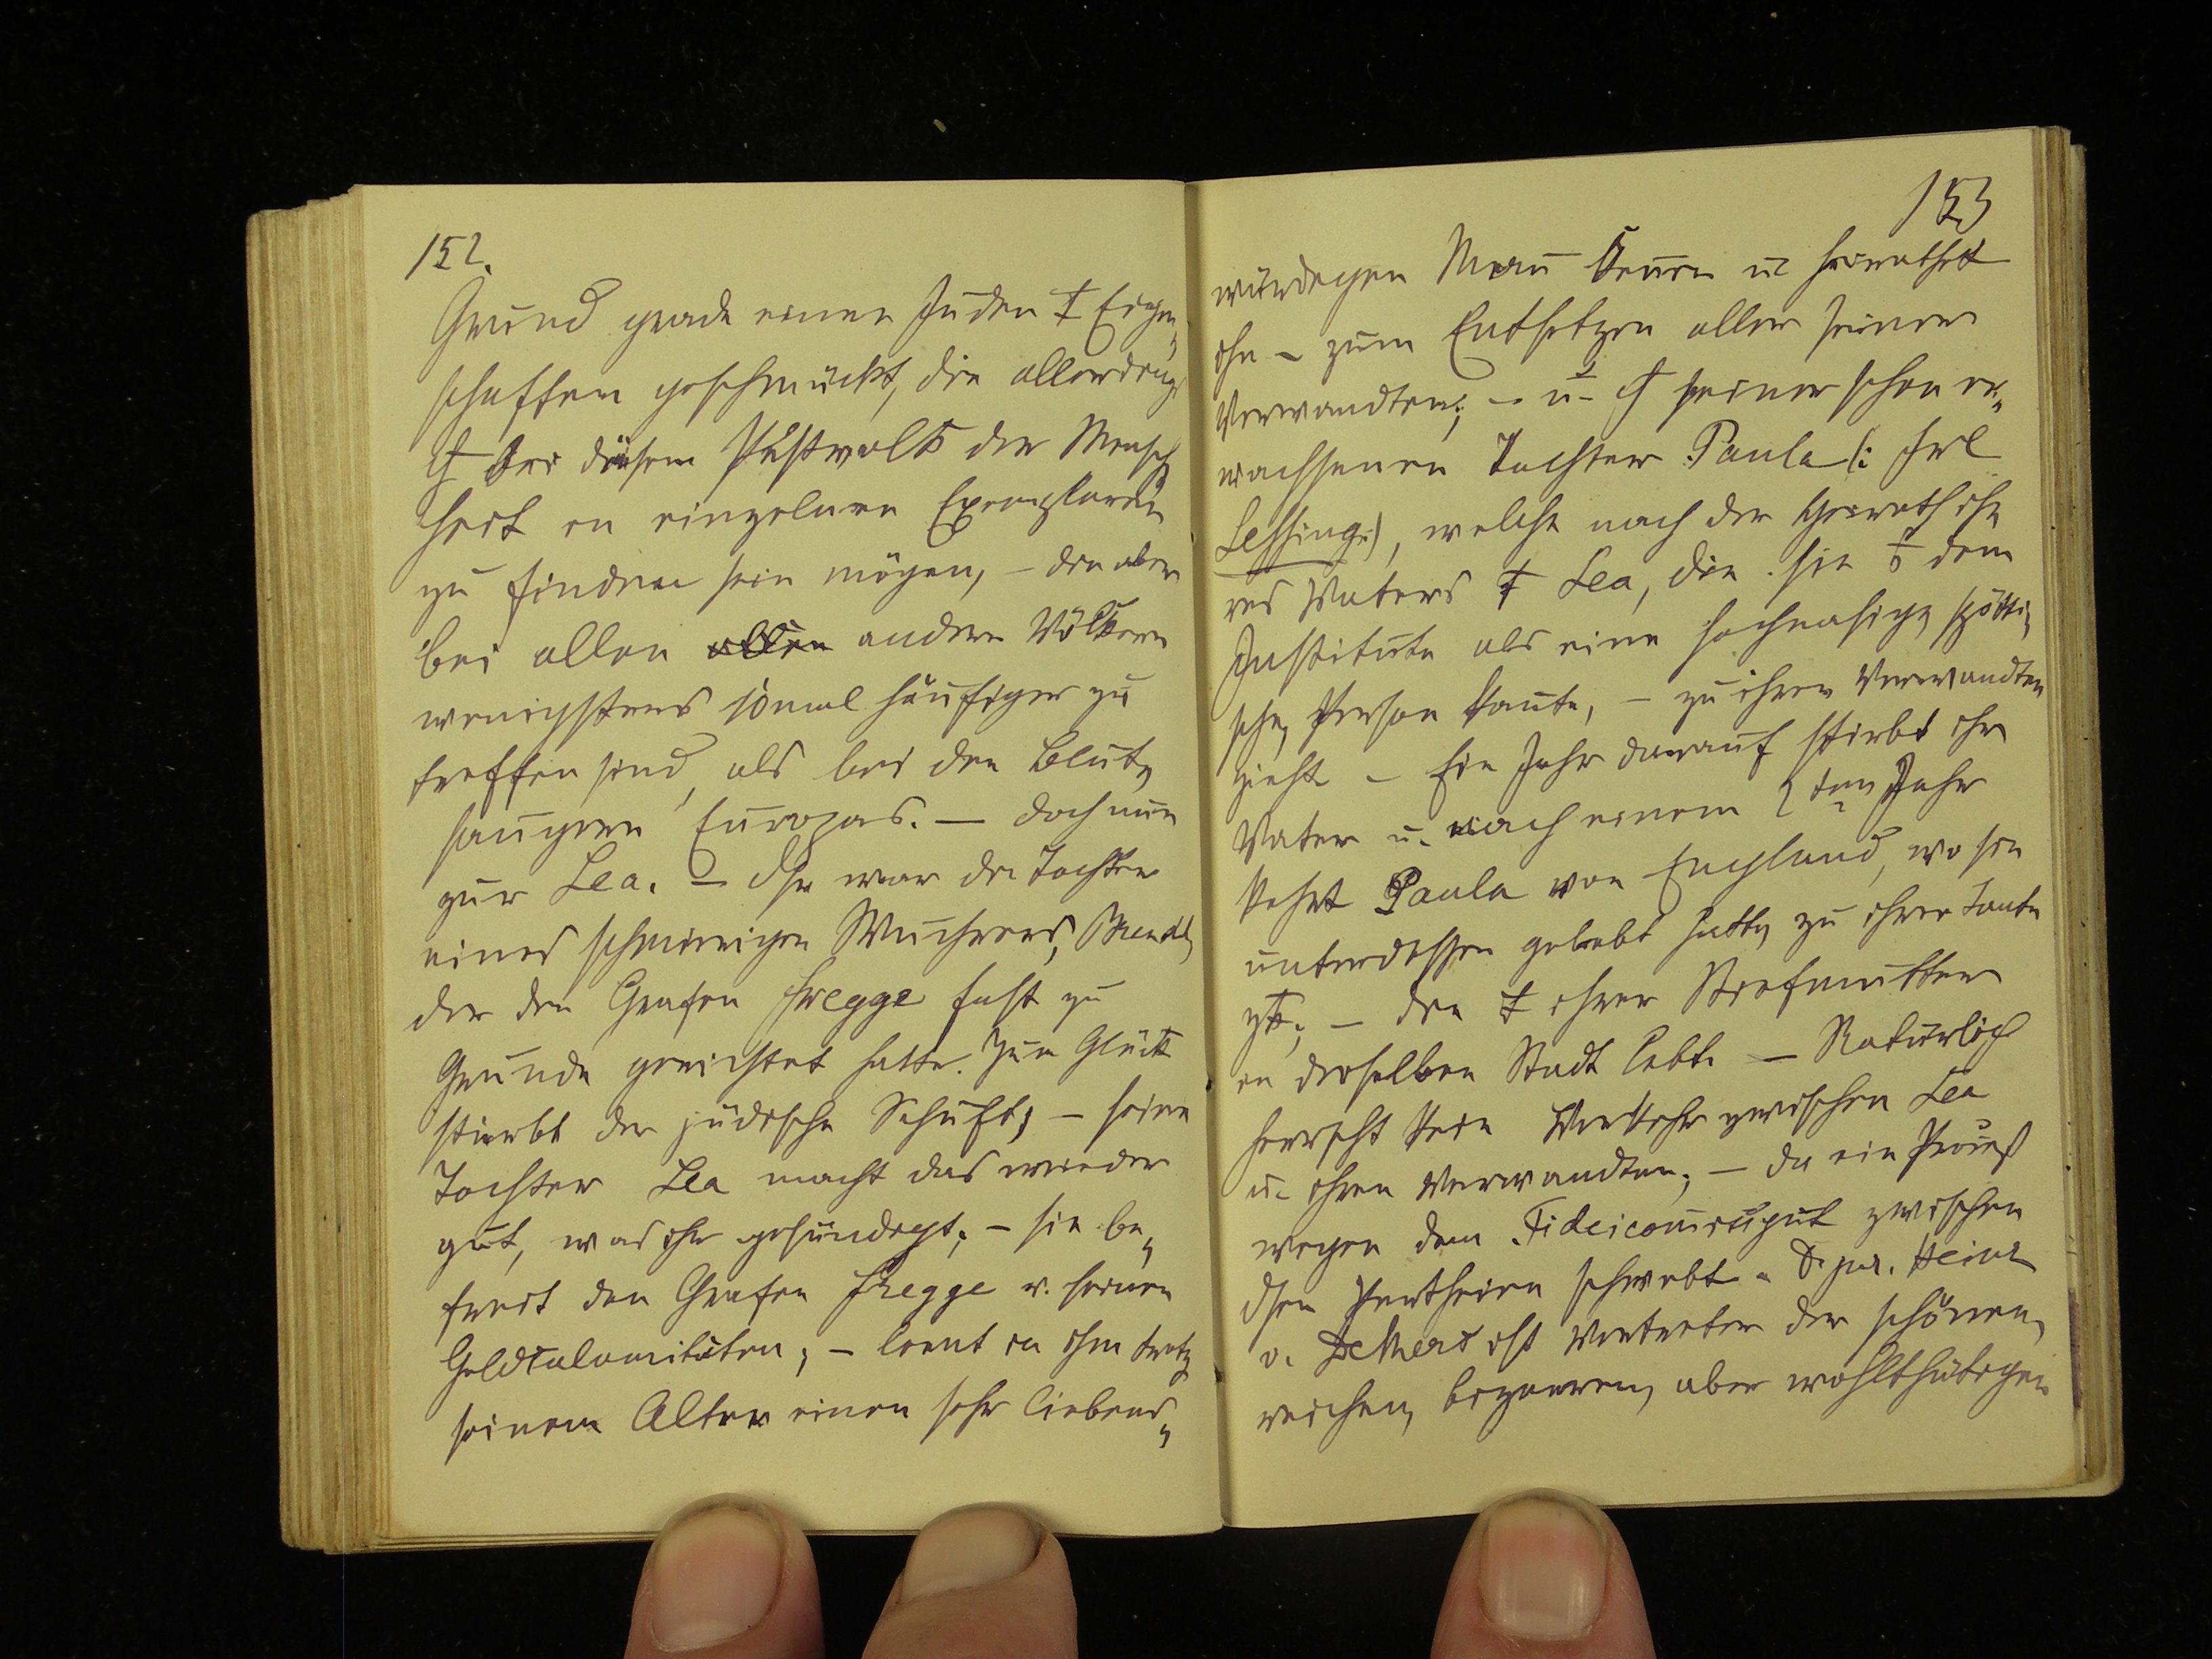153
Grund gerade einen Juden mit Eigen¬
schaften geschmückt , die allerdings
auch bei diesem Pestvolk der Mensch¬
heit in einzelnen Exemplaren
zu finden sein mögen – die aber
bei allen anderen Völker
wenigstens 10 mal häufiger zu
treffen sind, als bei den Blut¬
saugern Europas.— Doch nun
zur Lea.- Diese war die Tochter
eines schmierigen Wucherers, Brendel,
der den Grafen Fregge fast zu
Grunde gerichtet hatte. Zum Glück
stirbt der jüdische Schuft. -Seine
Tochter Lea macht das wieder
gut , was er gesündigt.- Sie be¬
freit den Grafen Fregge von seinen
Geldkalamitäten;- lernt in ihm trotz
seinem Alter einen sehr liebens..,
152
wdürdigen Mann kennen und heirathet
ihn zum Entsetzen aller seiner
Verwandten un auch seiner schon er¬
wachsenen Tochter Paula. (: Frl.
Lessing : ) , welche nach der Heirat ih
res Vaters mit Lea, die sie aus dem
Institute als eine hochnasige, spötti¬
sche Person kannte,- zu ihren Verwandten
zieht,- Ein Jahr danach stirbt ihr
Vater und nach einem 2- ten Jahr kehrt
Paula von England , wo sie
unterdeßen gelebt hatte zu ihrer Tante
zurück.- Die mit ihrer Stiefmutter
in derselben Stadt lebte,-Natürlich
herrscht kein Verkehr zwischen Lea
und ihren Verwandten;- Da ein Pprozess
wegen dem Fideicommeisgut zwischen
den Partheien schwebt.. Dr. jur. Hein.
von Dekero ist Vertreter der schönen,
reichen, bizarren aber wohltätigen